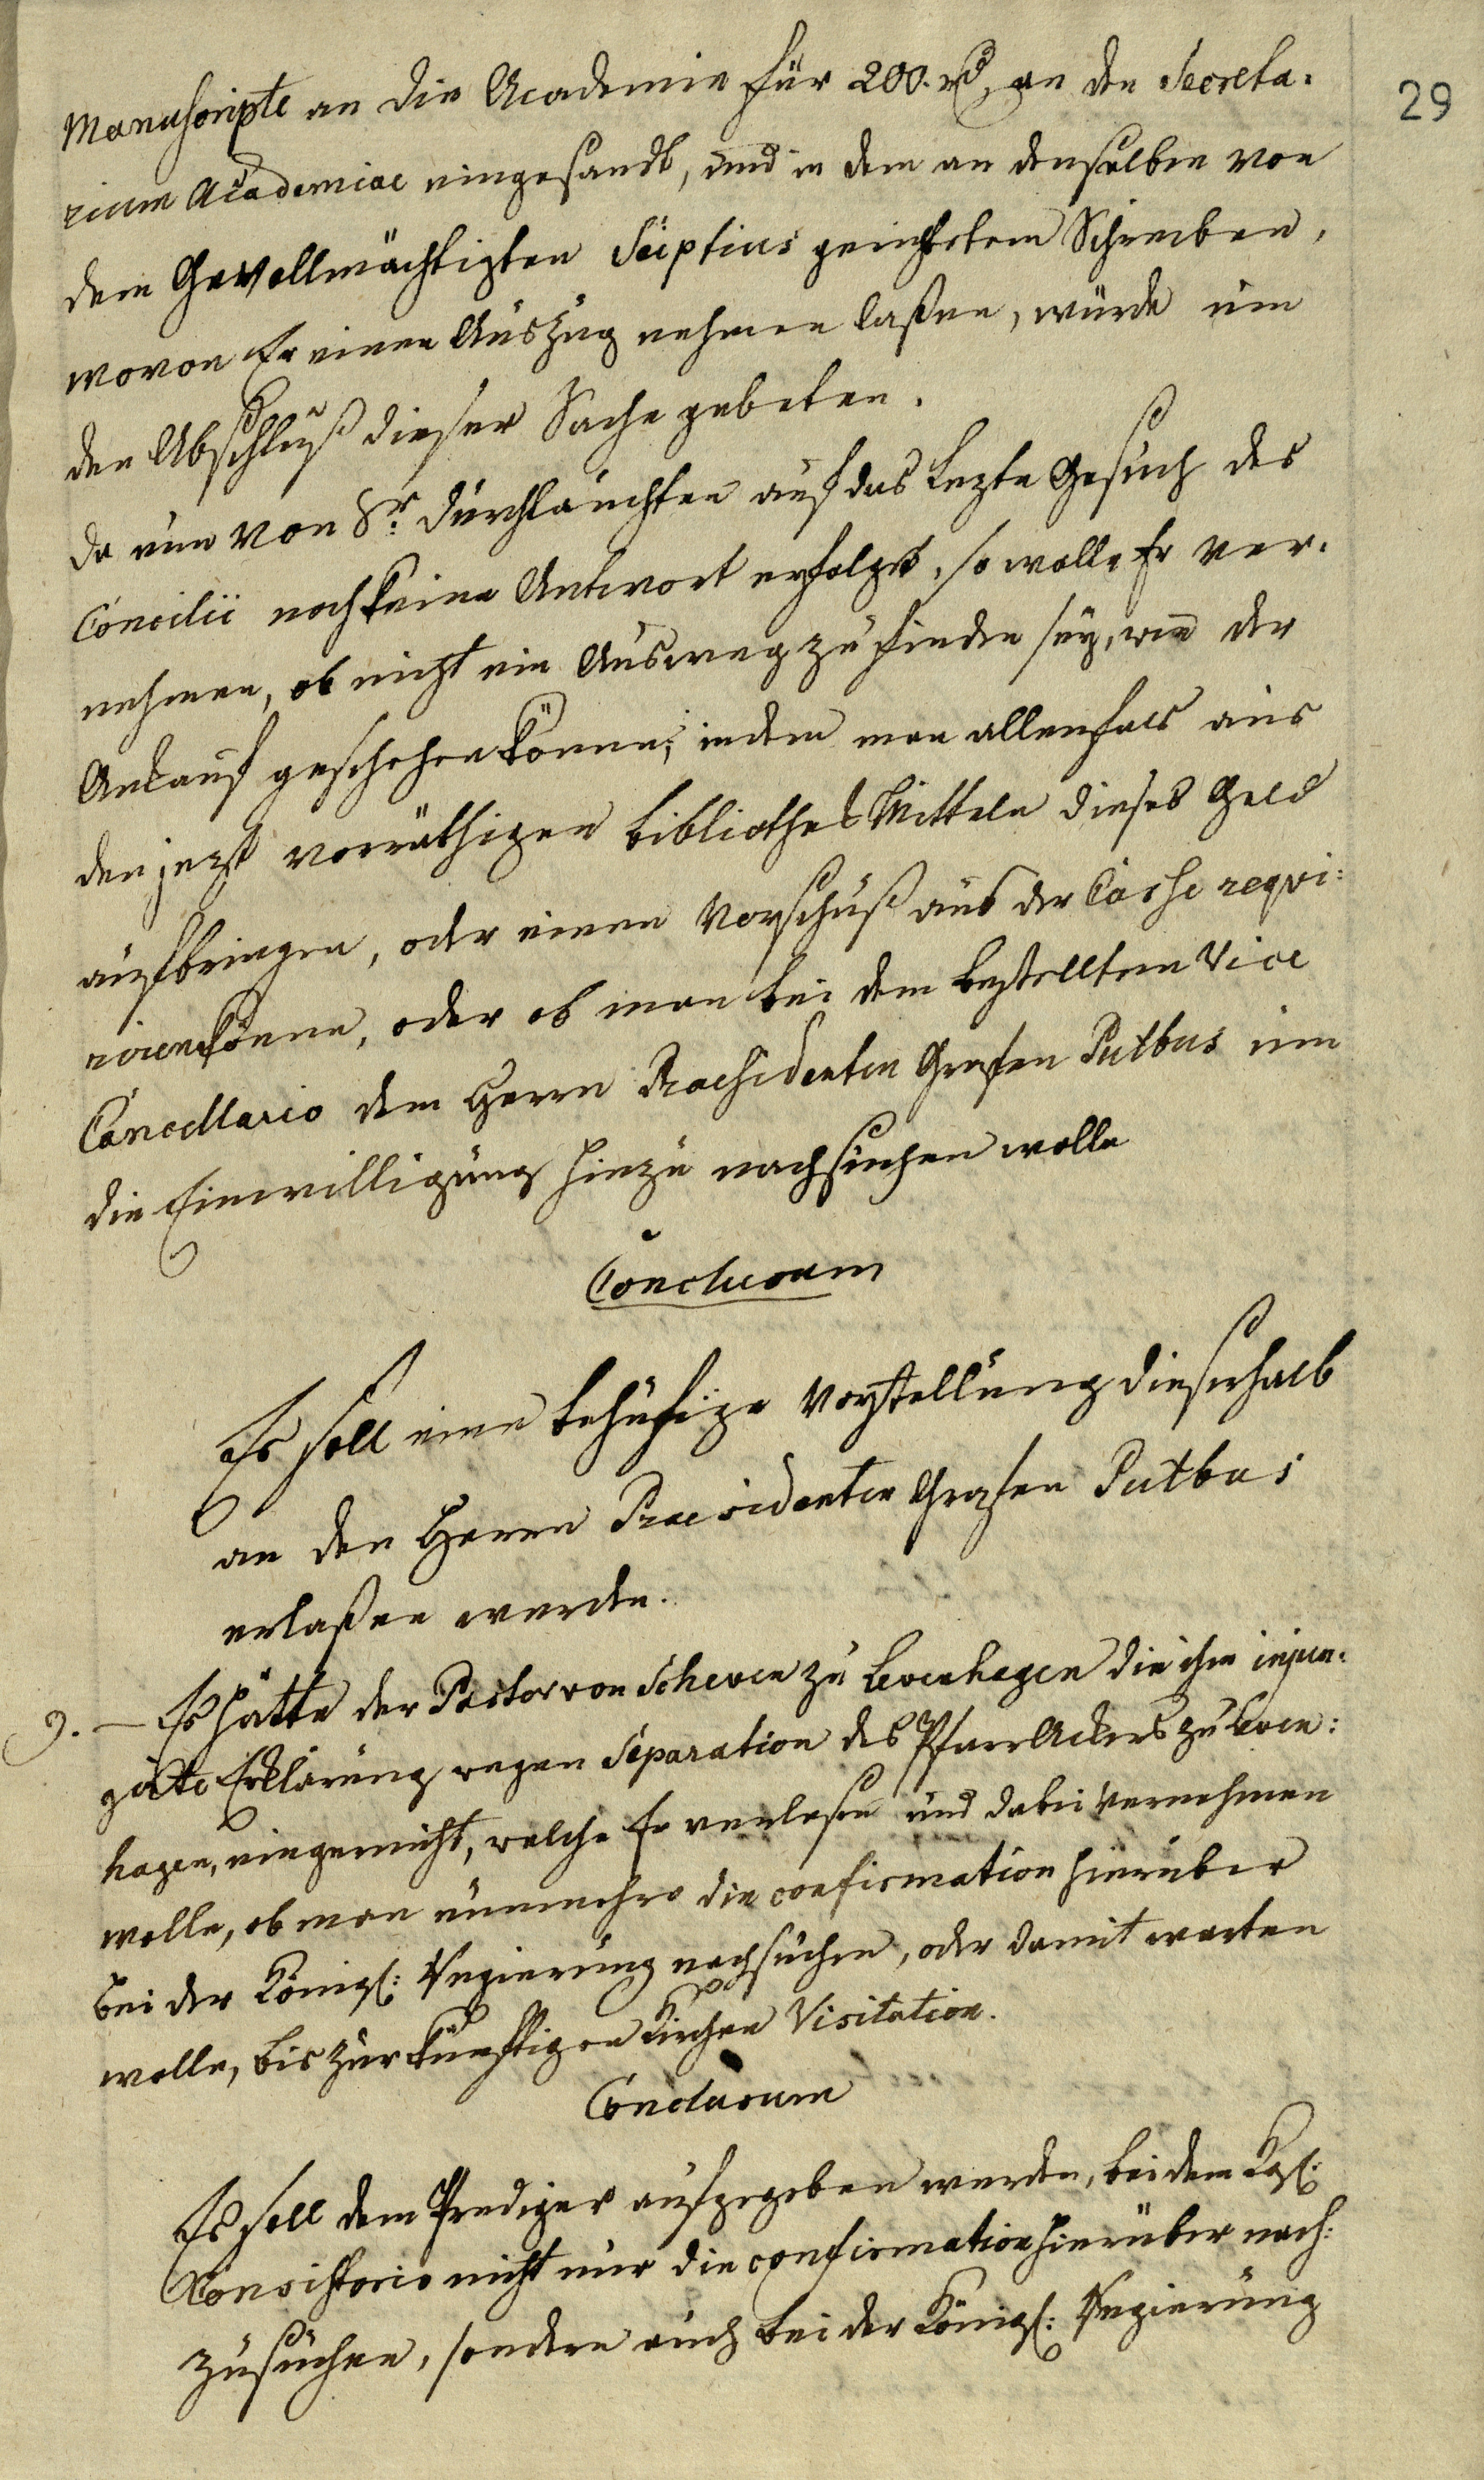Manuscripte an die Academie für 200 r. an den Secreta¬
rium Academiae eingesandt, und in dem an denselben von
dem Gevollmächtigten Seiptius gerichtetem Schreiben,
wovon Er einen Auszug nehmen laßen, würde um
den Abschluß dieser Sache gebeten.
da nun von Sr Durchlauchten auf das lezte Gesuch des
Concilii noch keine Antwort erfolget, so wolle Er ver¬
nehmen, ob nicht ein Ausweg zu finden seÿ, wie der
Ankauf geschehen könne, indem man allenfals aus
den jezt vorräthigen Bibliothek Mitteln dieses Geld
aufbringen, oder einen Vorschuß aus der Casse requi¬
riren könne, oder ob man bei dem bestellten Vice
Cancellario dem Herrn Praesidenten Grafen Putbus um
die Einwilligung hiezu nachsuchen wolle
Conclusum
Es soll eine behufige Vorstellung dieserhalb
an den Herrn Praesidenten Grafen Putbus
erlaßen werden.
9. Es hätte der Pastor von Scheven zu Levenhagen die ihm injun¬
girte Erklärung wegen Separation des Pfarrackers zu Leven¬
hagen, eingereicht, welche Er verlesen und dabei vernehmen
wolle, ob man nunmehro die confirmation hierüber
bei der Königl. Regierung nachsuchen, oder damit warten
wolle, bis zur künftigen Kirchen Visitation.
Conclusum
Es soll dem Prediger aufgegeben werden, bei dem Kgl.
Consistorio nicht nur die confirmation hierüber nach¬
zusuchen, sondern auch bei der Königl. Regierung